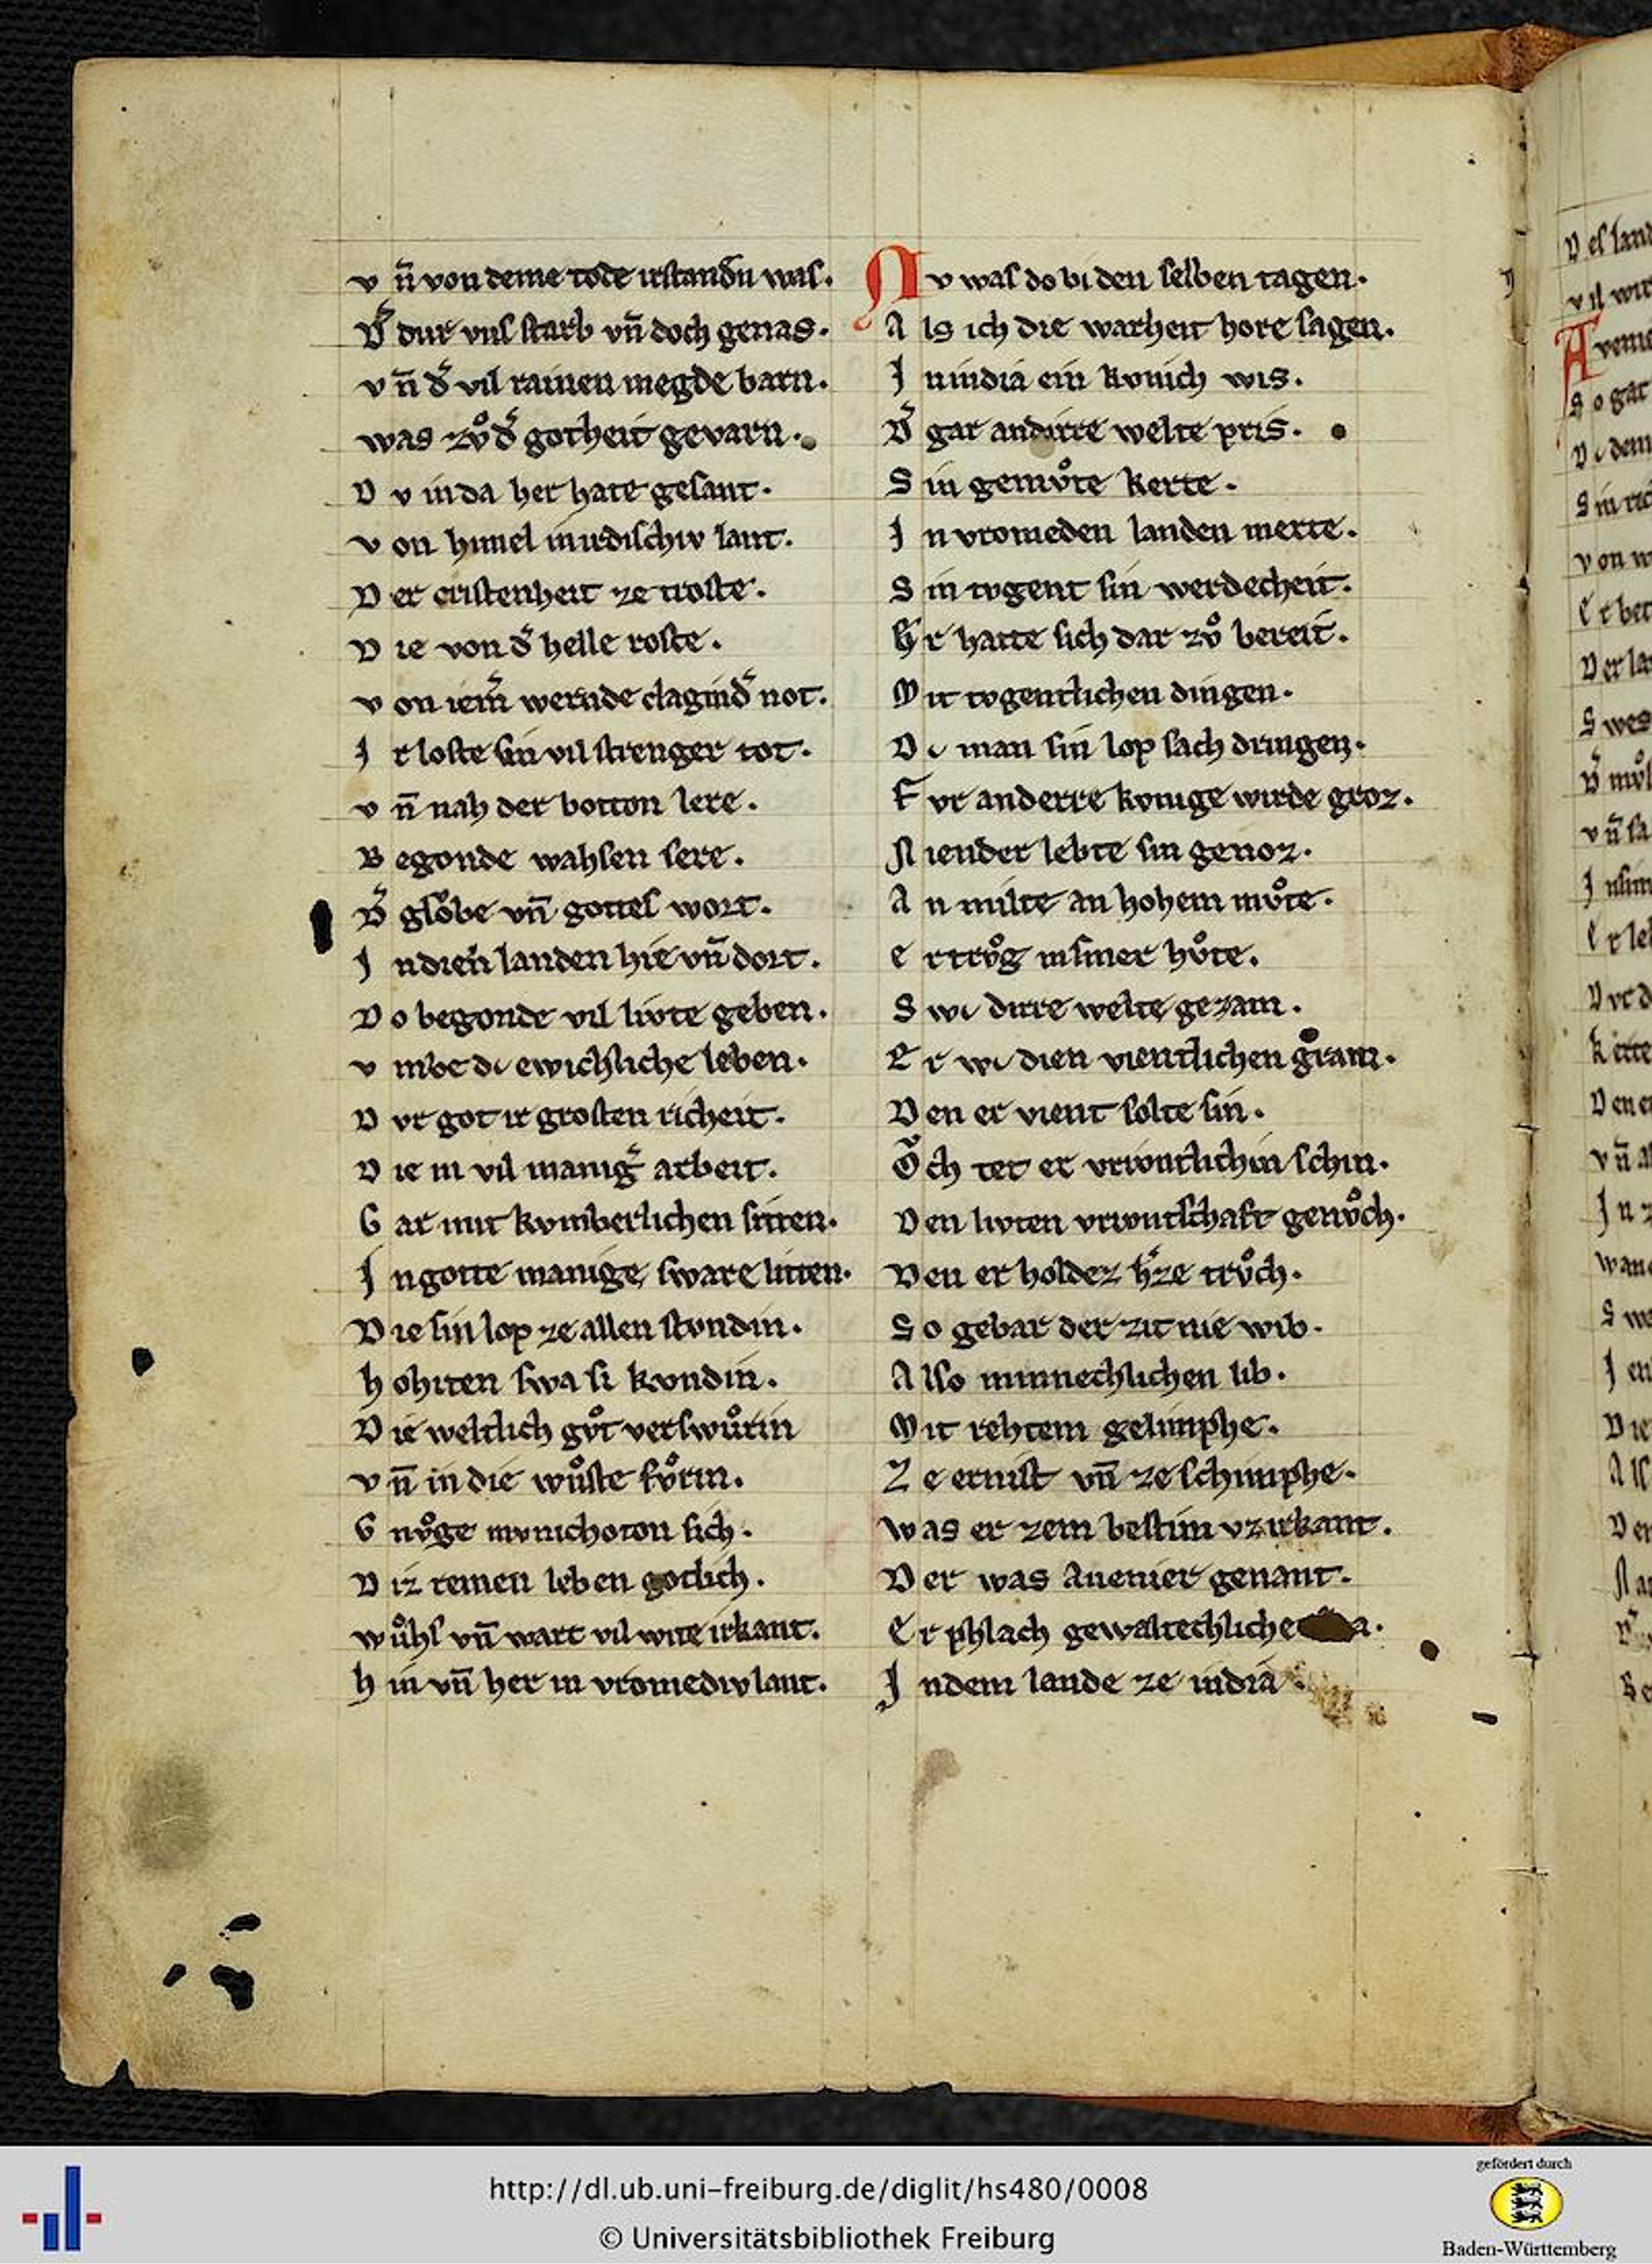Vn(d) von deme tode irſtandn waſ.
D(er) dur vnſ ſtarb vn(d) doch genas.
Vn(d) d(er) vil rainen megde barn.
Was zv°o d(er) gotheit gevarn.
Dv in da her hate geſant.
Von himel in irdiſchiv lant.
Der criſtenheit ze troſte.
Die von d(er) helle roſte.
Von iem(er) wernde clagind(er) not.
Irloſte ſin vil ſtrenger tot.
Vn(d) nah der botton lere.
Begonde wahſen ſere.
D(er) glo°vbe vn(d) gotteſ wort.
Indien landen hie vn(d) dort.
Do begonde vil livte geben.
Vmbe d(az) ewichliche leben.
Dvr got ir groſten richeit.
Die in vil manig(er) arbeit.
Gar mit kvmberlichen ſitten.
Ingotte manige ſware litten.
Die ſin lop ze allen ſtvndin.
Hohiten ſwa ſi kvndin.
Die weltlich gv°ot verſwu°orin
Vn(d) in die wu°oſte fv°orin.
Gnv°oge mvnichoton ſich.
Diz reinen leben gotlich.
wu°ohſ vn(d) wart vil wite irkant.
Hin vn(d) her in vromediv lant.
*Nv waſ do bi den ſelben tagen.
Als ich die warheit hore ſagen.
In india ein kvnich wis.
D(er) gar andirre welte pris.
Sin gemv°ote kerte.
In vromeden landen merte.
Sin tvgent ſin werdecheit.
Er hatte ſich dar zv°o bereit.
Mit tvgentlichen dingen.
D(az) man ſin lop ſach dringen.
Fvr anderre kvnige wirde groz.
Niender lebte ſin genoz.
An milte an hohem mv°ote.
Ertrv°og in ſiner hv°ote.
Sw(az) dirre welte gezam.
Er w(az) dien vientlichen gram.
Den er vient ſolte ſin.
O°vch tet er vrivntlichin ſchin.
Den livten vrivntſchaft genv°och.
Den er holdez h(er)ze trv°och.
So gebar der zit nie wib.
Alſo minnechlichen lib.
Mit rehtem gelimphe.
Ze erniſt vn(d) ze ſchimphe.
Was er zem beſtim vz irkant.
Der was Auenier genant.
Er phlach gewaltechliche da.
Indem lande ze india.